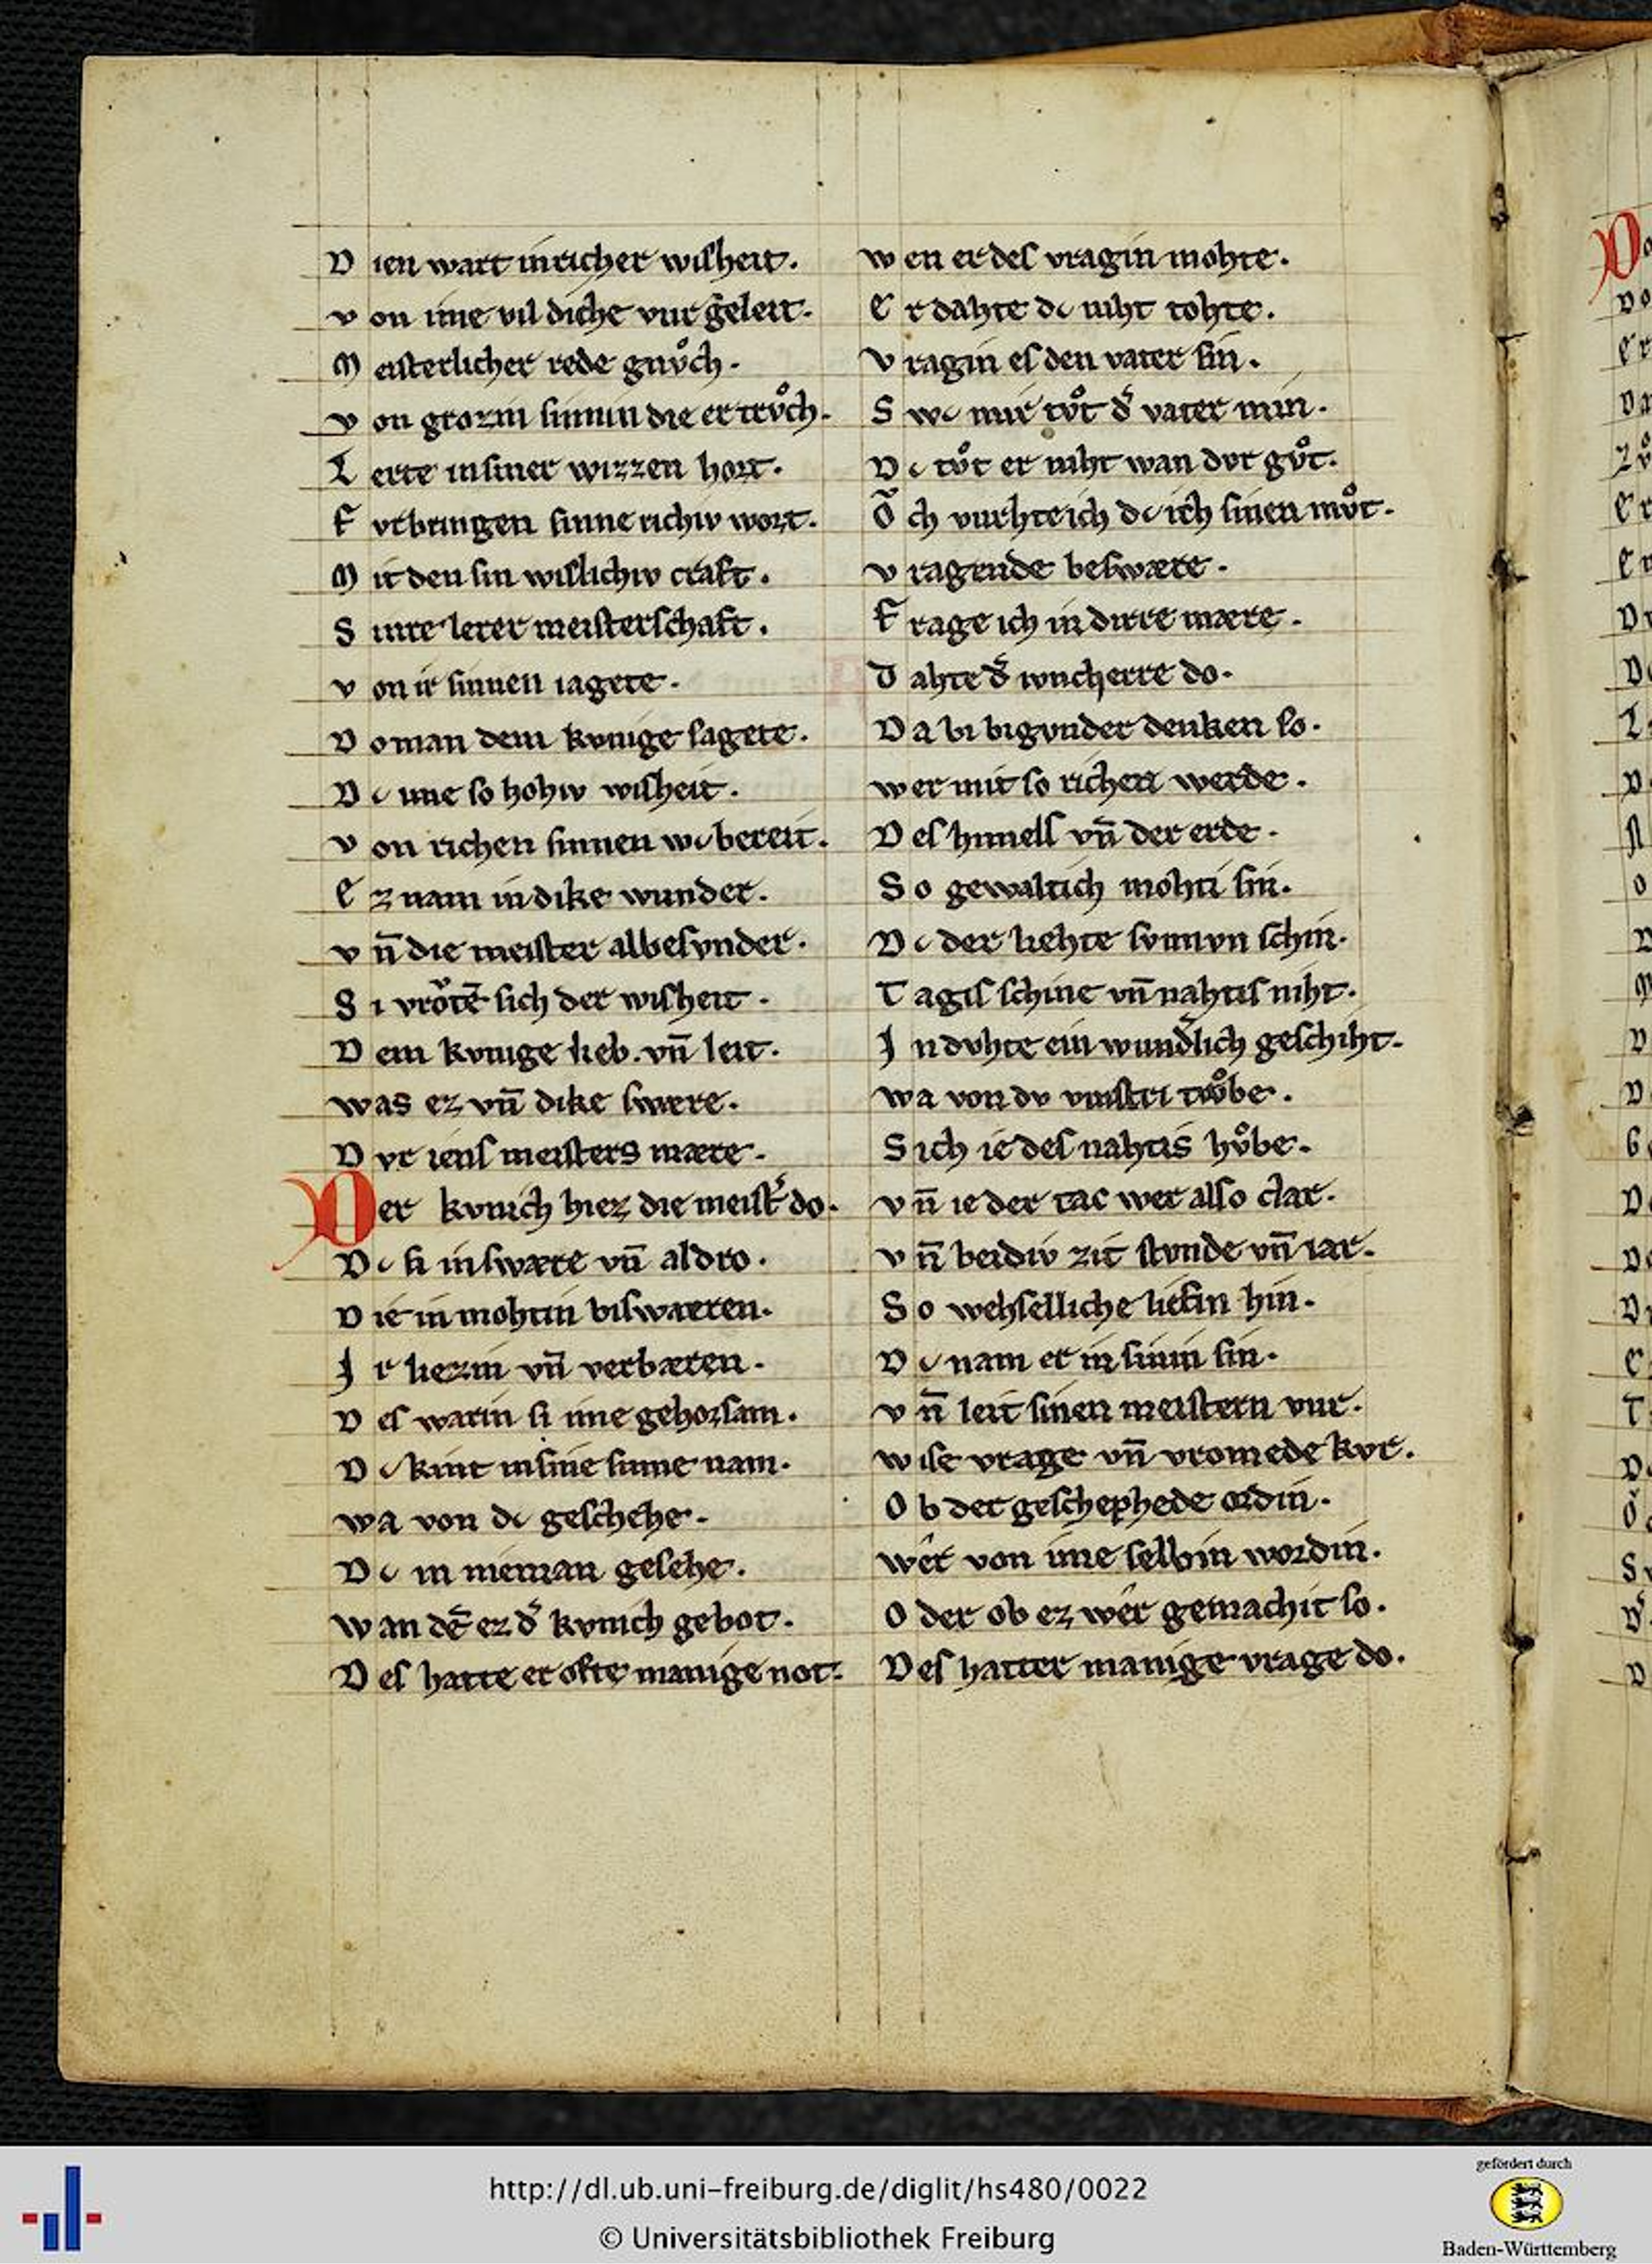Dien wart inricher wiſheit.
Von ime vil diche vur geleit.
Meiſterlicher rede gnv°och.
Von grozin ſinnin die er trv°och.
Lerte inſiner wizzen hort.
Fvrbringen ſinne richiv wort.
Mit den ſin wiſlichiv craft.
Sinre lerer meiſterſchaft.
Von ir ſinnen iagete.
Do man dem kvnige ſagete.
D(az) ime ſo hohiv wiſheit.
Von richen ſinnen w(az) bereit.
Ez nam in dike wunder.
Vn(d) die meiſter albeſvnder.
Si vro°vte(n) ſich der wiſheit.
Dem kvnige lieb. vn(d) leit.
Was ez vn(d) dike ſw[ae]re.
Dvr ienſ meiſters m[ae]re.
*Der kvnich hiez die meiſt(er) do.
D(az) ſi in ſw[ae]re vn(d) aldro.
Die in mohtin biſw[ae]ren.
Ir liezin vn(d) verb[ae]ren.
Deſ warin ſi ime gehorſam.
D(az) kint inſine ſinne nam.
Wa von d(az) geſchehe.
D(az) in nieman geſehe.
Wan de(n) ez d(er) kvnich gebot.
Deſ hatte er ofte manige not.
Wen er deſ vragin mohte.
Er dahte d(az) niht tohte.
Vragin eſ den vater ſin.
Sw(az) mir tv°ot d(er) vater min.
D(az) tv°ot er niht wan dvr gv°ot.
O°vch vurhte ich d(az) ich ſinen mv°ot.
Vragende beſw[ae]re.
Frage ich in dirre m[ae]re.
Dahte d(er) iuncherre do.
Da bi bigvnder denken ſo.
Wer mit ſo richen werde.
Deſ himelſ vn(d) der erde.
So gewaltich mohti ſin.
D(az) der liehte ſvnnvn ſchin.
Tagiſ ſchine vn(d) nahtiſ niht.
In dvhte ein wund(er)lich geſchiht.
Wa von dv vinſtri trv°obe.
Sich ie deſ nahtis hv°obe.
Vn(d) ie der tac wer alſo clar.
Vn(d) beidiv zit ſtvnde vn(d) iar.
So wehſelliche liefin hin.
D(az) nam er in ſinin ſin.
Vn(d) leit ſinen meiſtern vur.
Wiſe vrage vn(d) vromede kvr.
Ob der geſchephede ordin.
Wer von ime ſelbin wordin.
Oder ob ez wer gemachit ſo.
Deſ hatter manige vrage do.